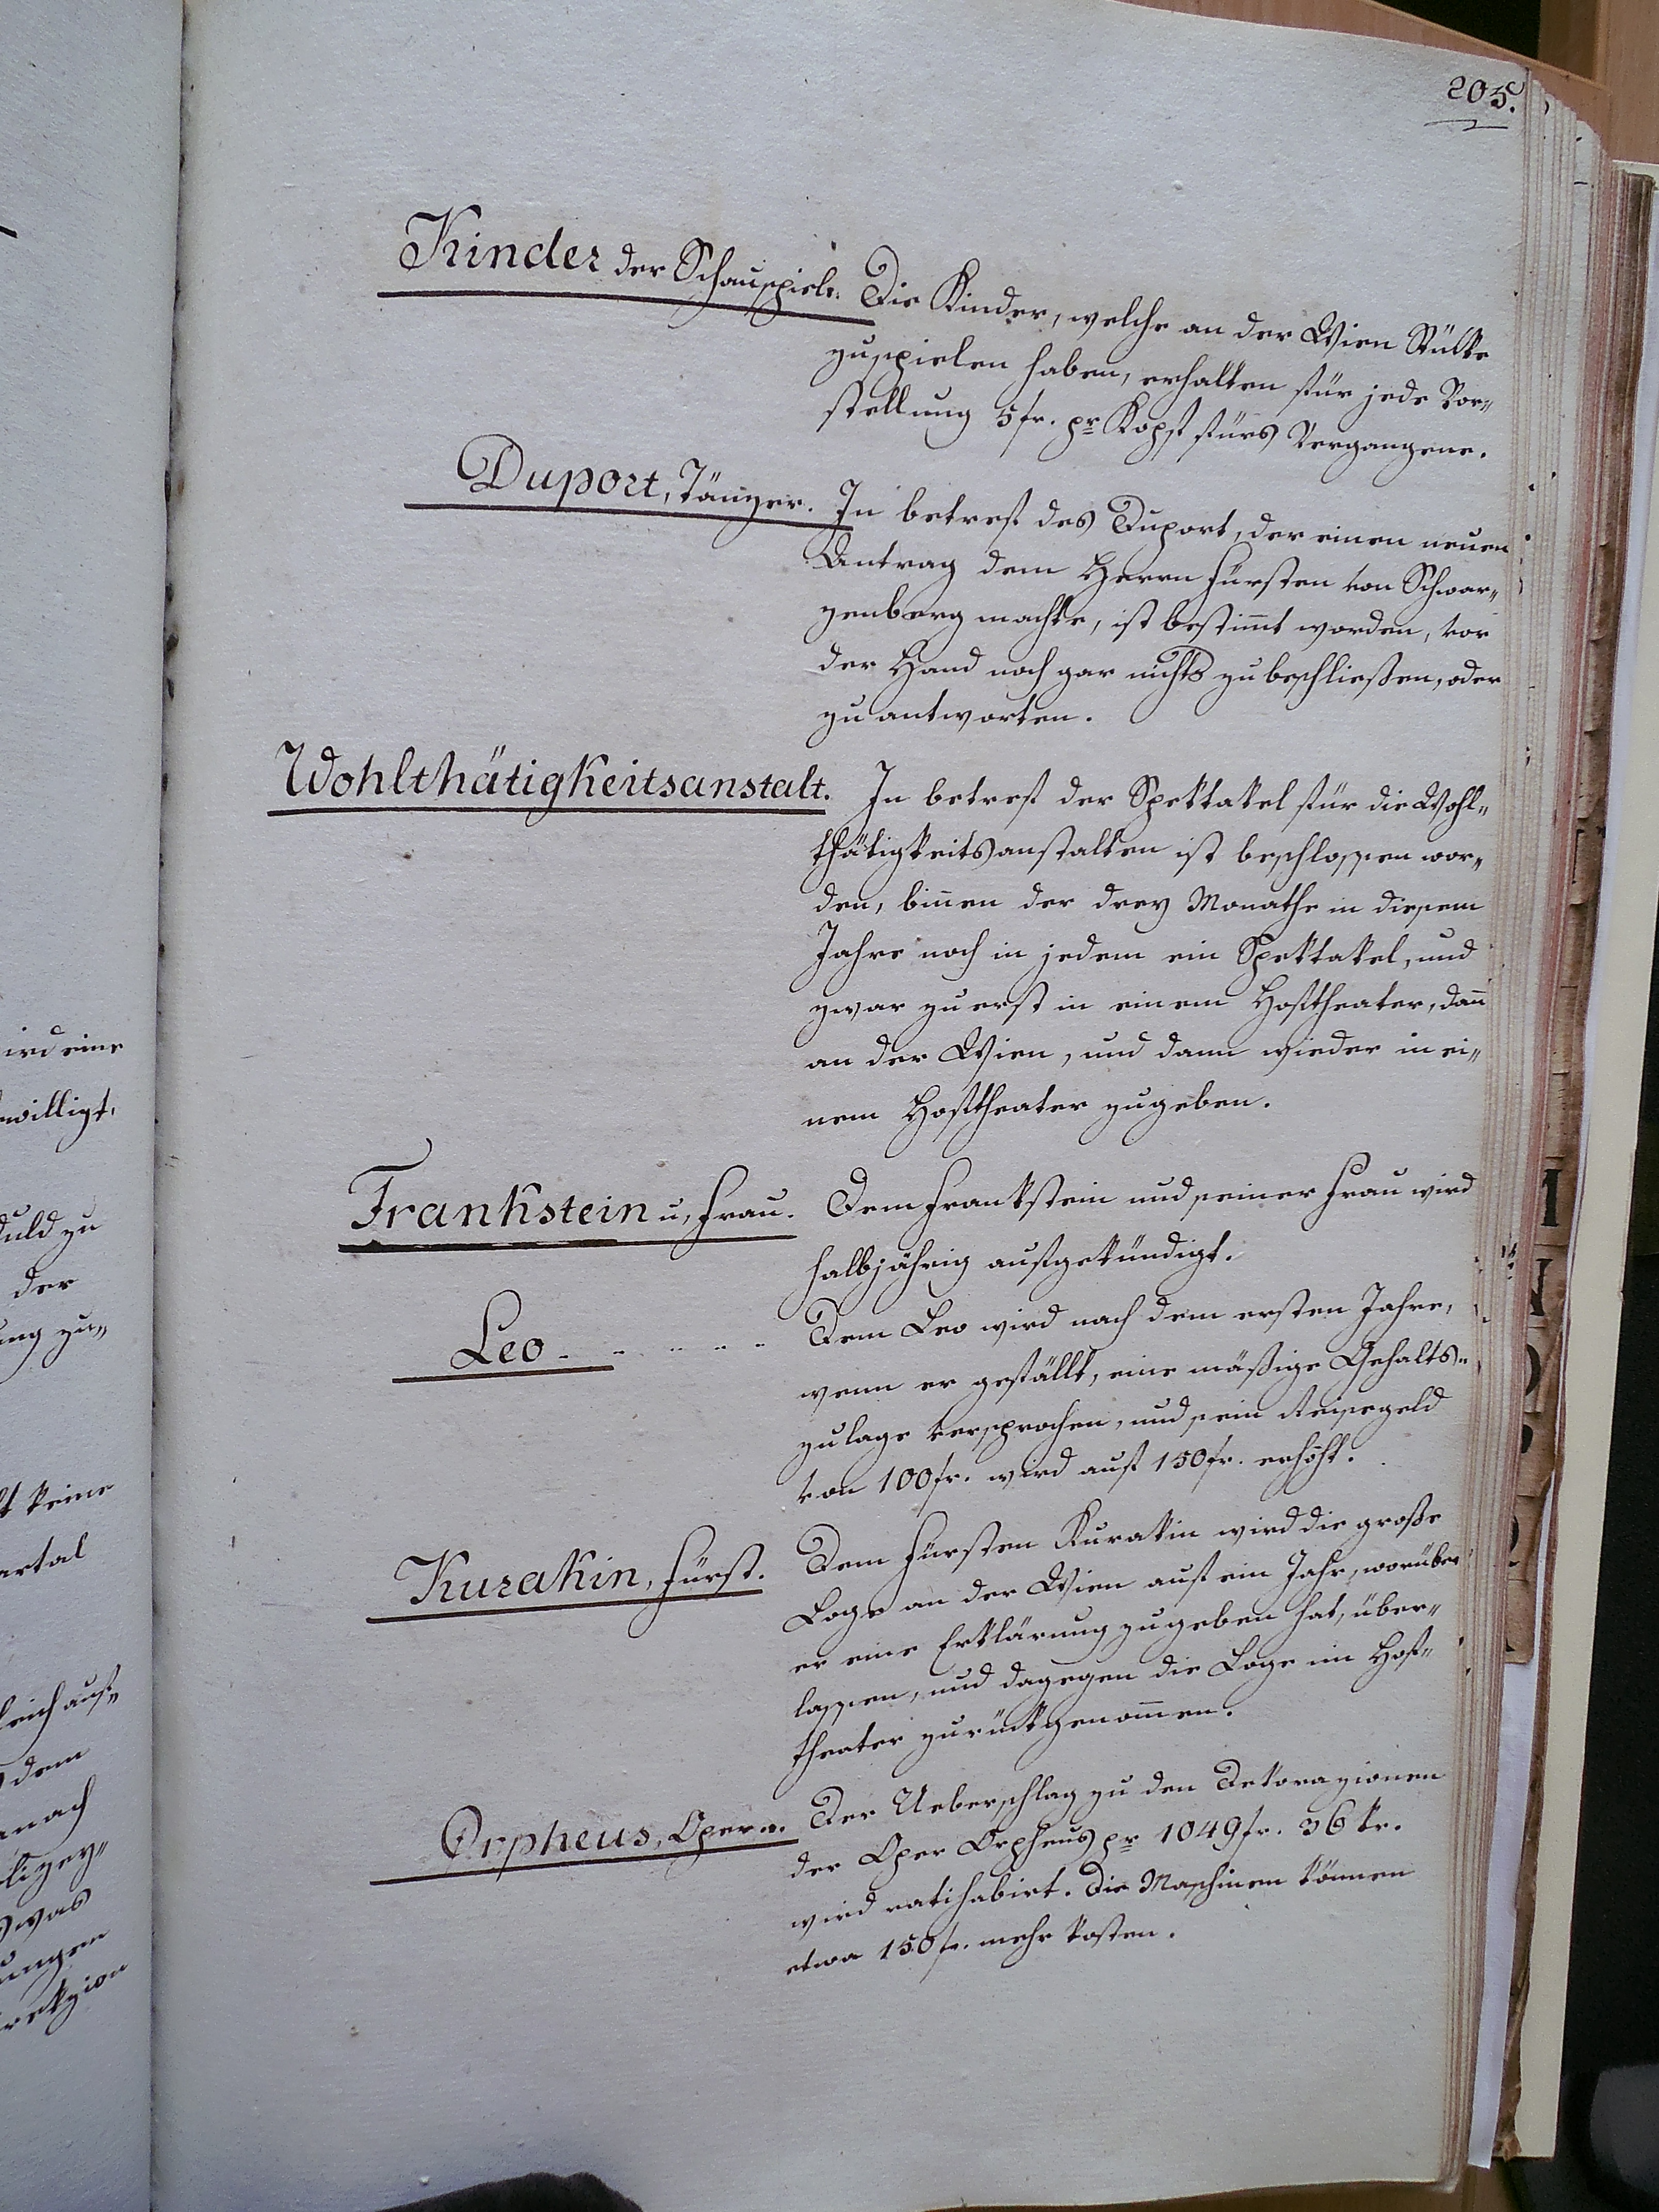205.
Kinder der Schaupiele: Die Kinder, welche an der Wien Stücke
zuspielen haben, erhalten für jede Vor¬
stellung 5fr. pr͇ Kopf fürs Vergangene.
Duport, Tänzer. In betref des Duport, der einen neuen
Antrag dem Herrn Fürsten von Schwar¬
zenberg machte, ist bestim̅t worden, vor
der Hand noch gar nichts zu beschließen, oder
zu antworten.
Wohlthätigkeitsanstalt. In betref der Spektakel für die Wohl¬
thätigkeitsanstalten ist beschlossen wor¬
den, bin̅en der drey Monathe in diesem
Jahre noch in jedem ein Spektakel, und
zwar zu erst in einem Hoftheater, dan̅
an der Wien, und dann wieder in ei¬
nem Hoftheater zugeben.
Frankstein u, Frau. Dem Frankstein und seiner Frau wird
halbjährig aufgekündigt.
Leo .. .. .. .. .. Dem Leo wird nach dem ersten Jahre,
wenn er gefällt, eine mäßige Gehalts¬
zulage versprochen, und sein Reisegeld
von 100fr. wird auf 150fr. erhöht.
Kurakin, Fürst. Dem Fürsten Kurakin wird die große
Loge an der Wien auf ein Jahr, worüber
er eine Erklärung zugeben hat, über¬
lassen, und dagegen die Loge im Hof¬
theater zurückgenom̅en.
Orpheus, Oper. Der Ueberschlag zu den Dekorazionen
der Oper Orpheus pr͇ 1049fr. 36kr.
wird ratihabirt. Die Maschinen können
etwa 150fr. mehr kosten.